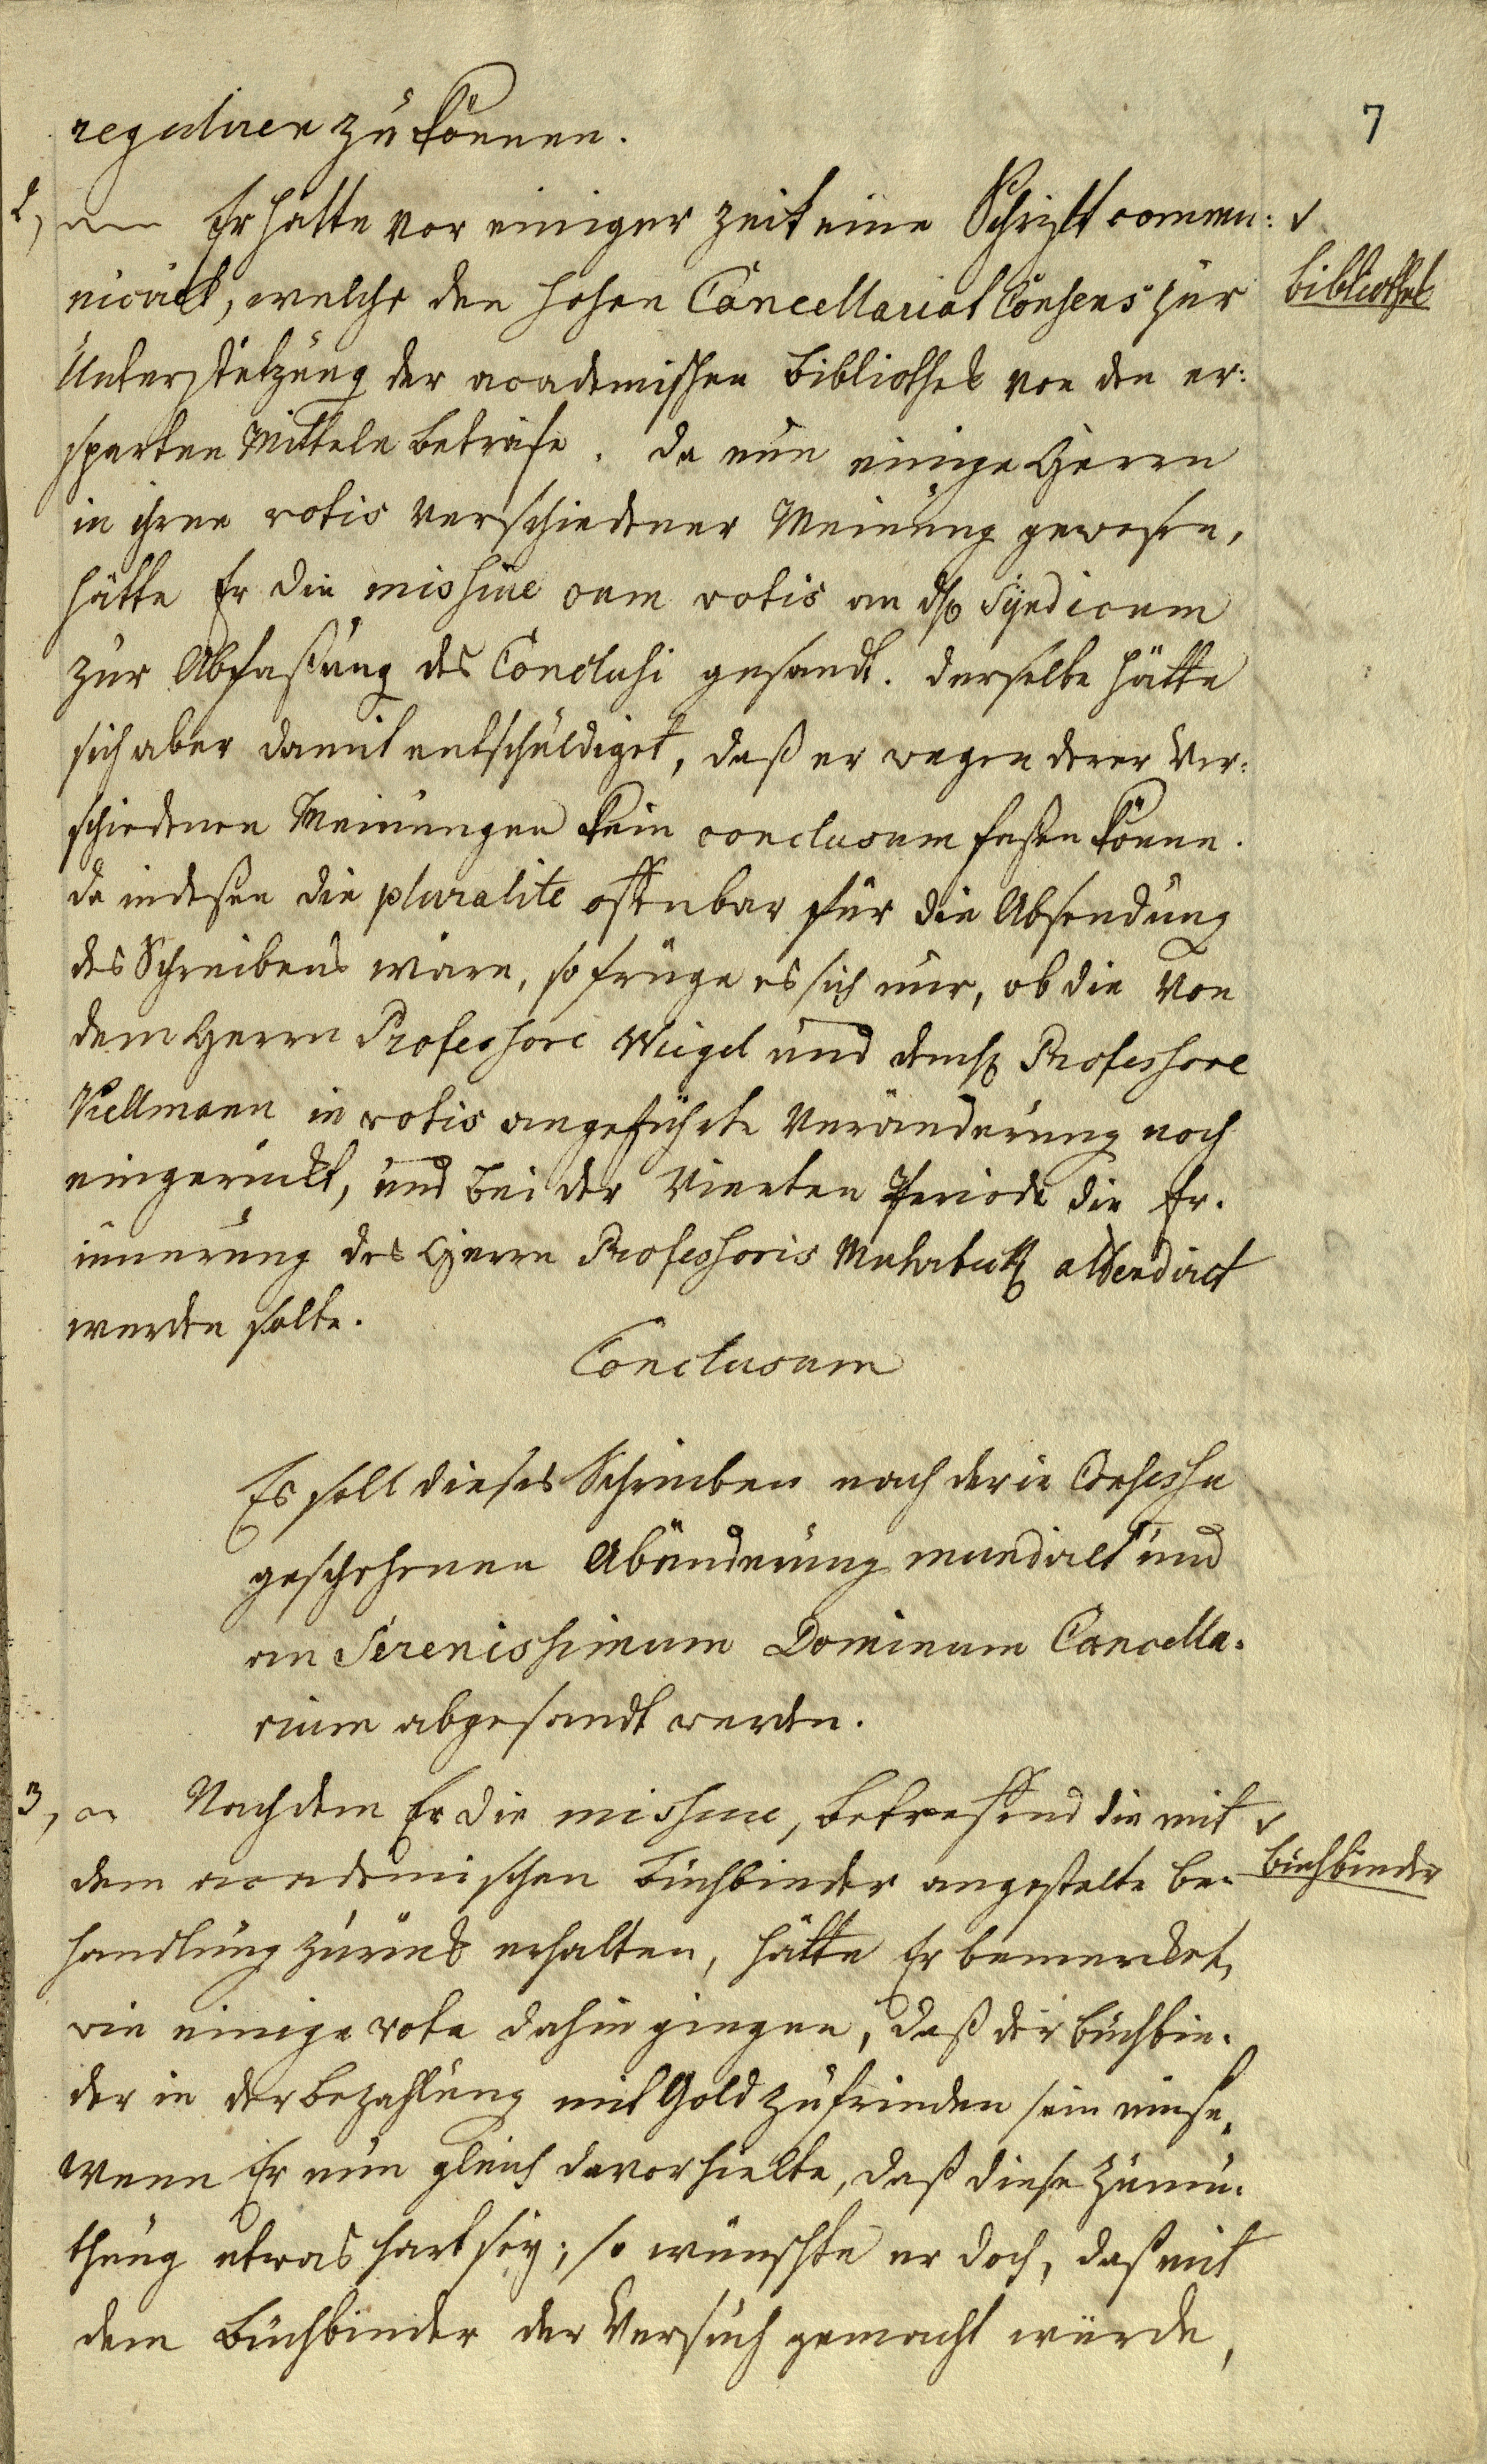reguliren zu können.
2, Er hätte voreiniger Zeit eine Schrift commu¬
niciret, welche den hohen Cancellariat Consens zur Bibliothek
Unterstützung der academischen Bibliothek von den er¬
sparten Mitteln beträfe. Da nun einige Herrn
in ihren votis verschiedener Meinung gewesen,
hätte Er die missine cum votis an dh Sÿndicum
zur Abfaßung des Conclusi gesandt. Derselbe hätte
sich aber damit entschuldiget, daß er wegen derer ver¬
schiedenen Meinungen kein conclusum faßen könne.
da indeßen die pluralite offenbar für die Absendung
des Schreibens wäre, so früge es sich nur,ob die von
dem Herrn Professore Weigel und demh. Professore
kellmann in votis angesuchte Veränderung noch
eingerückt, und bei der vierten Periode die Er¬
innerung des Herrn Professoris Muhrbeck attendiret
werden solte.
Conclusum
Es soll dieses Schreiben nach der in Consessu
geschehenen Abänderung mundiret und
an Serenissimum Dominum Cancella¬
rium abgesandt werden.
3. Nachdem er die missine, betreffend die mit
dem academischen Buchbinder angestelte be- Buchbinder
handlung zurück erhalten, hätte Er bemercket,
wie einige vota dafür gingen, daß der Buchbin¬
der in der Bezahlung mit Gold zufrieden sein müße,
wenn Er nun gleich davor hielte, daß diese Zumu¬
thung etwas hart seÿ; so wünschte er doch, daß mit
dem Buchbinder der Versuch gemacht würde,